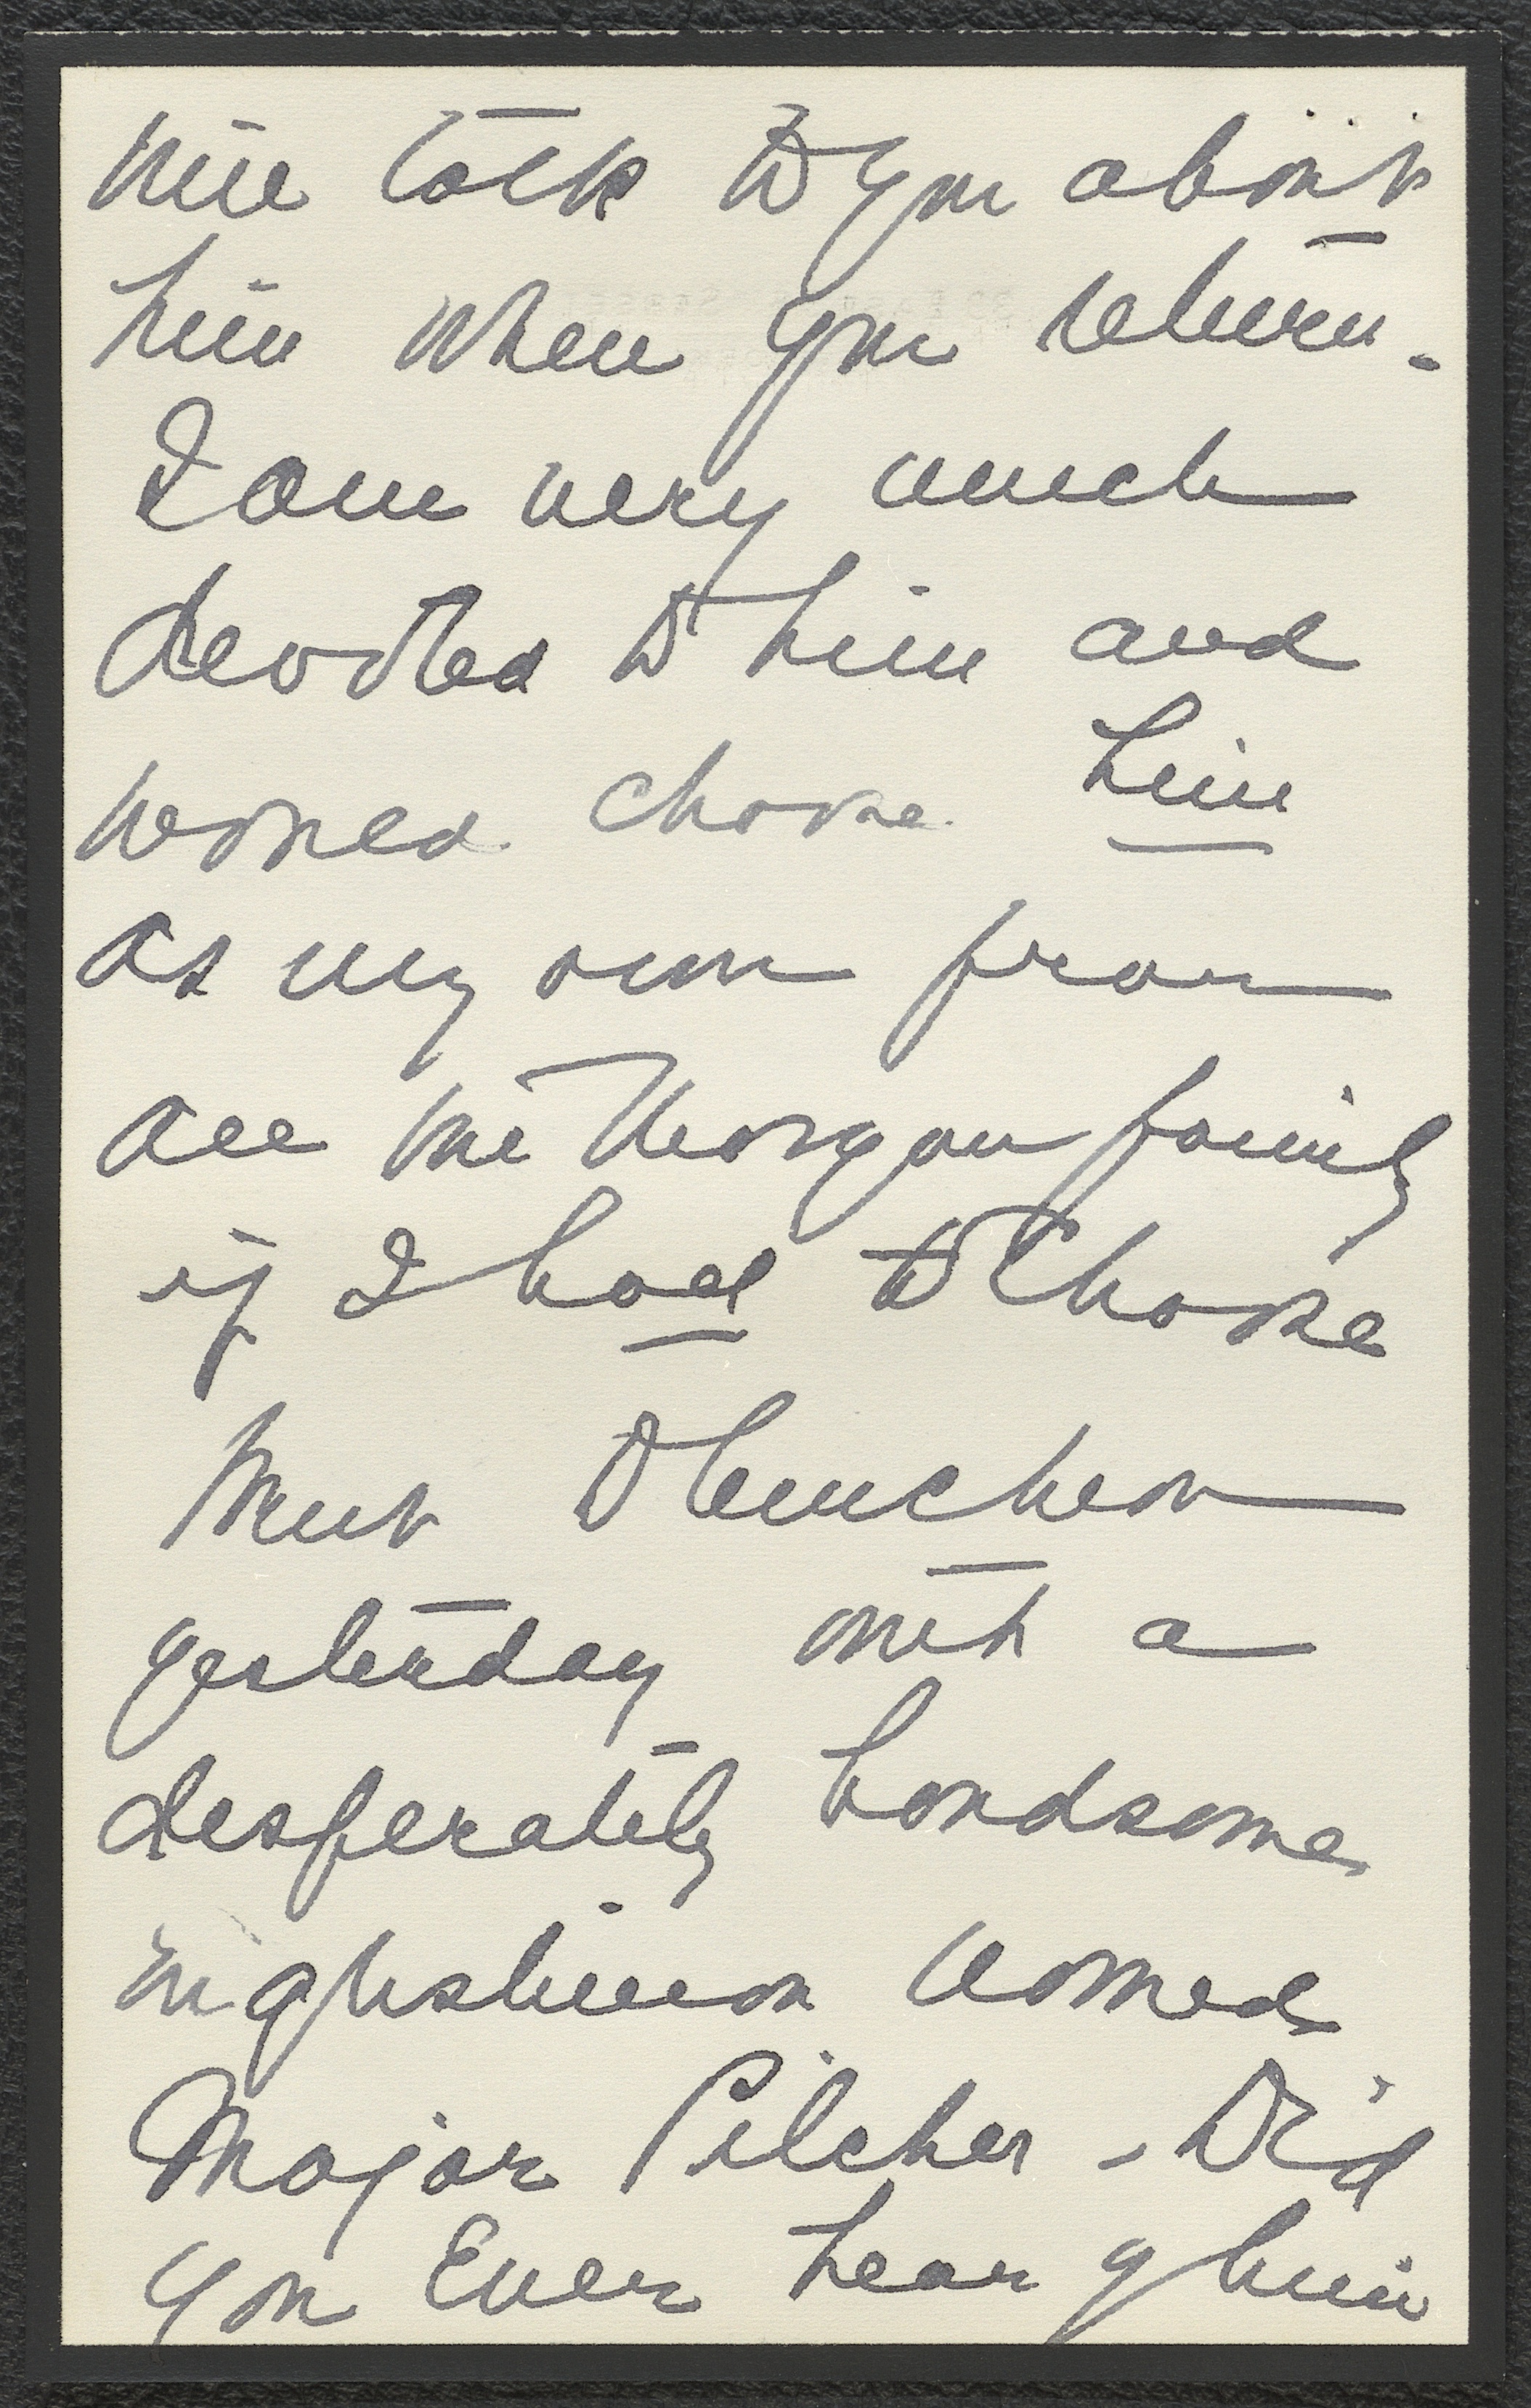will talk to you about him when you return. I am very much devoted to him and would choose him as my own from all the Morgan family if I had to choose
Went to luncheon yesterday with a desperately handsome Englishman named Major Pilcher – Did you ever hear of him